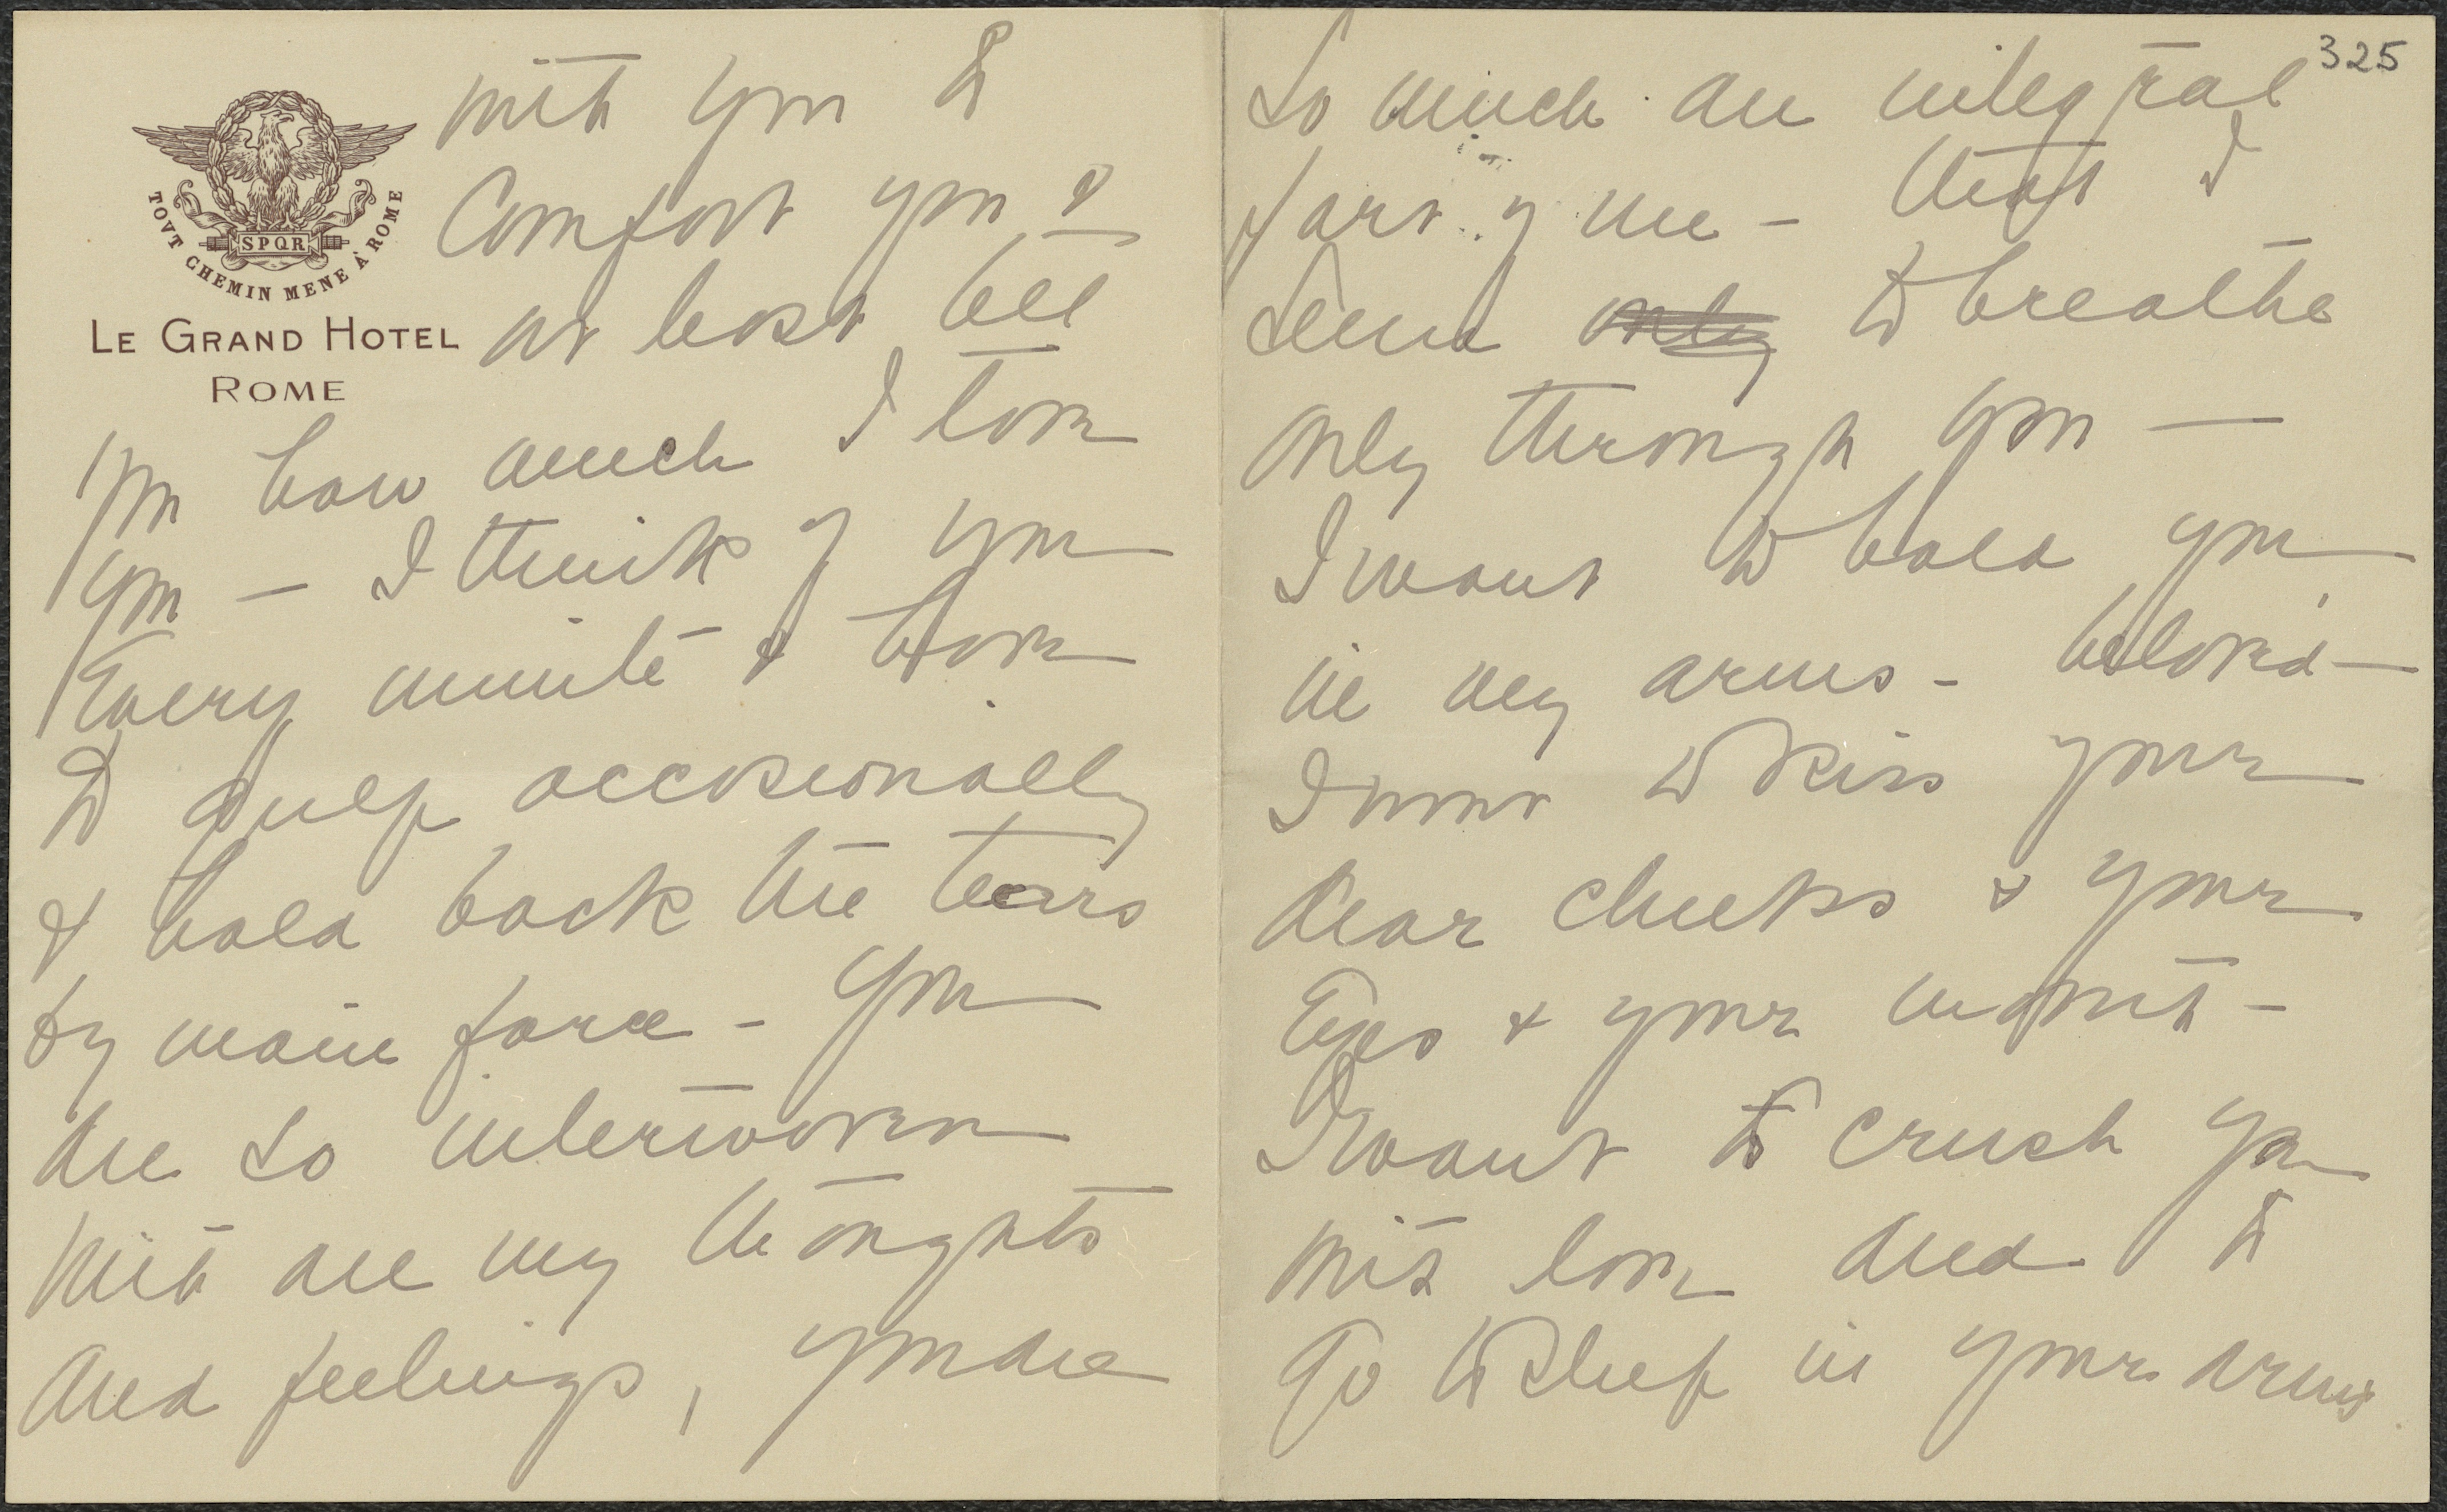with you to comfort you & at least tell you how much I love you – I think of you Every minute & have to gulp occasionally & hold back the tears by main force – You are so interwoven with all my thoughts and feelings, you are
so much an integral part of me – that I seem only to breathe only through you – I want to hold you in my arms – beloved – I want to kiss your dear cheeks & your eyes & your mouth – I want to crush you with love and to go to sleep in your arms